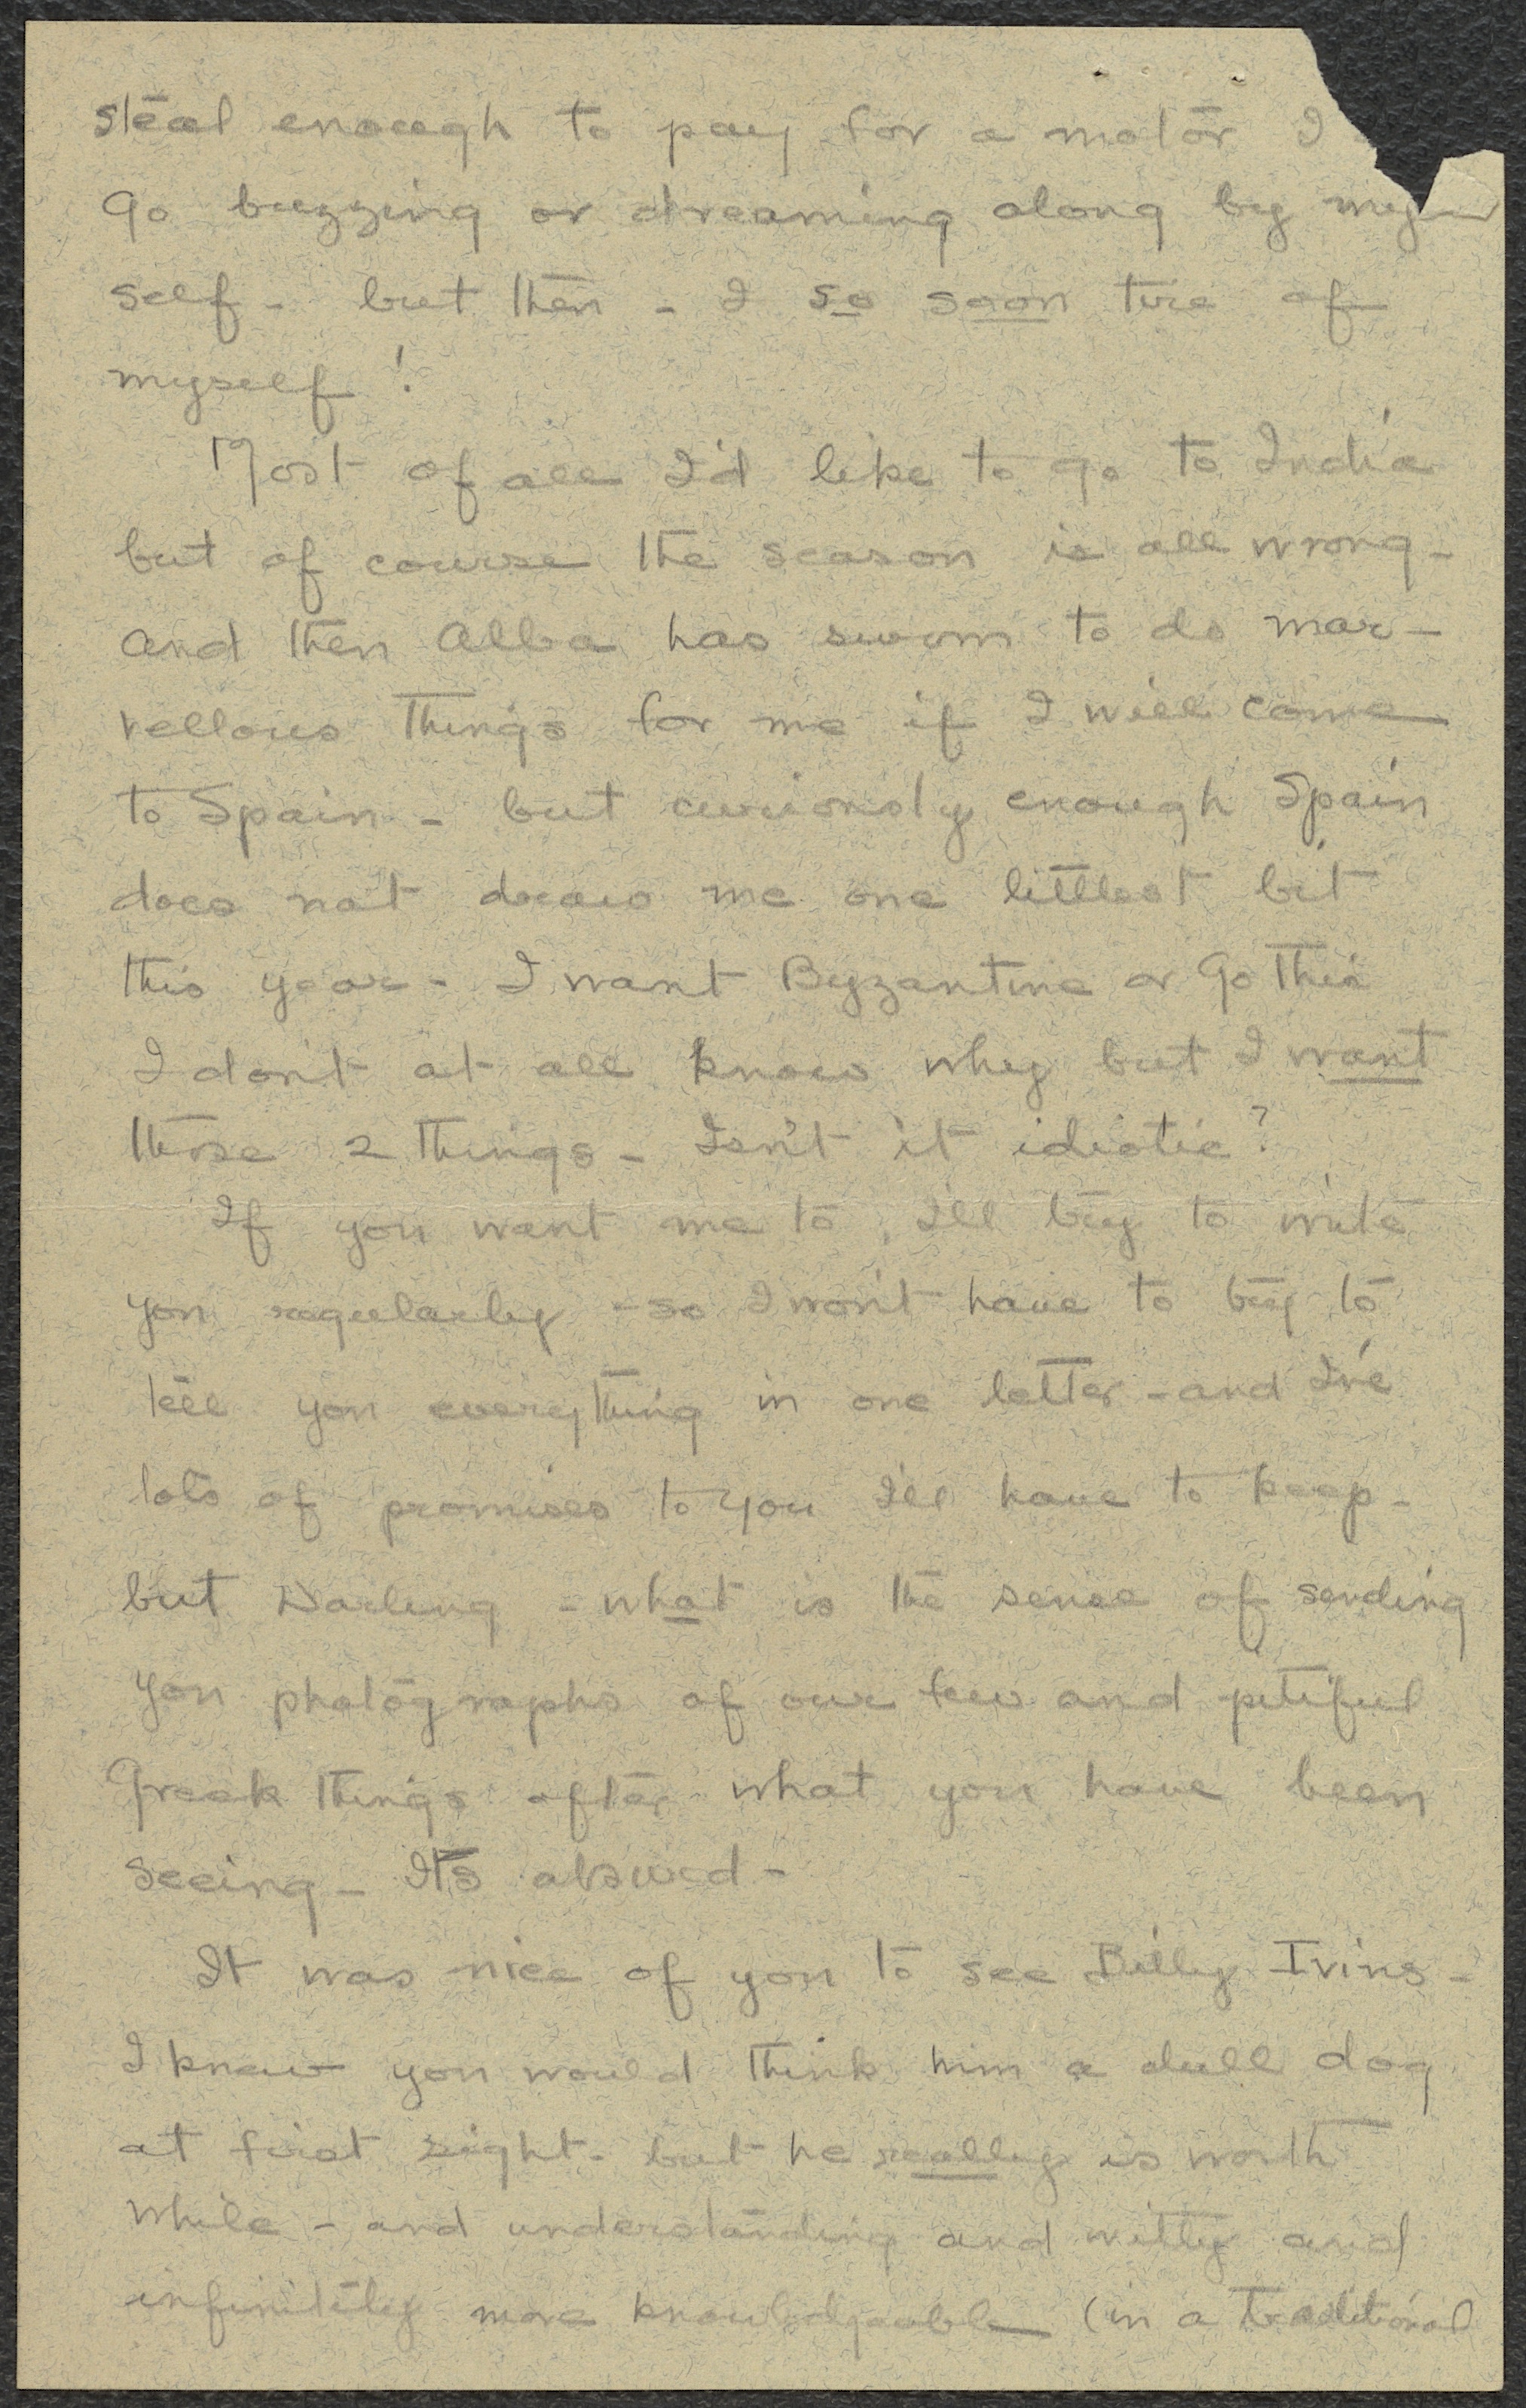steal enough to pay for a motor I [loss] go buzzing or dreaming along by my self – but then – I so soon tire of myself!
Most of all I’d like to go to India but of course the season is all wrong – and then Alba has sworn to do marvellous things for me if I will come to Spain – but curiously enough Spain does not draw me one littlest bit this year – I want Byzantine or Gothic I don’t at all know why but I want those 2 things – Isn’t it idiotic?
If you want me to, I’ll try to write you regularly – so I won’t have to try to tell you everything in one letter – and I’ve lots of promises to you I’ll have to keep – but Darling – what is the sense of sending you photographs of our few and pitiful Greek things after what you have been seeing – It’s absurd –
It was nice of you to see Billy Ivins – I knew you would think him a dull dog at first sight – but he really is worth while – and understanding and witty and infinitely more knowledgeable (in a traditional